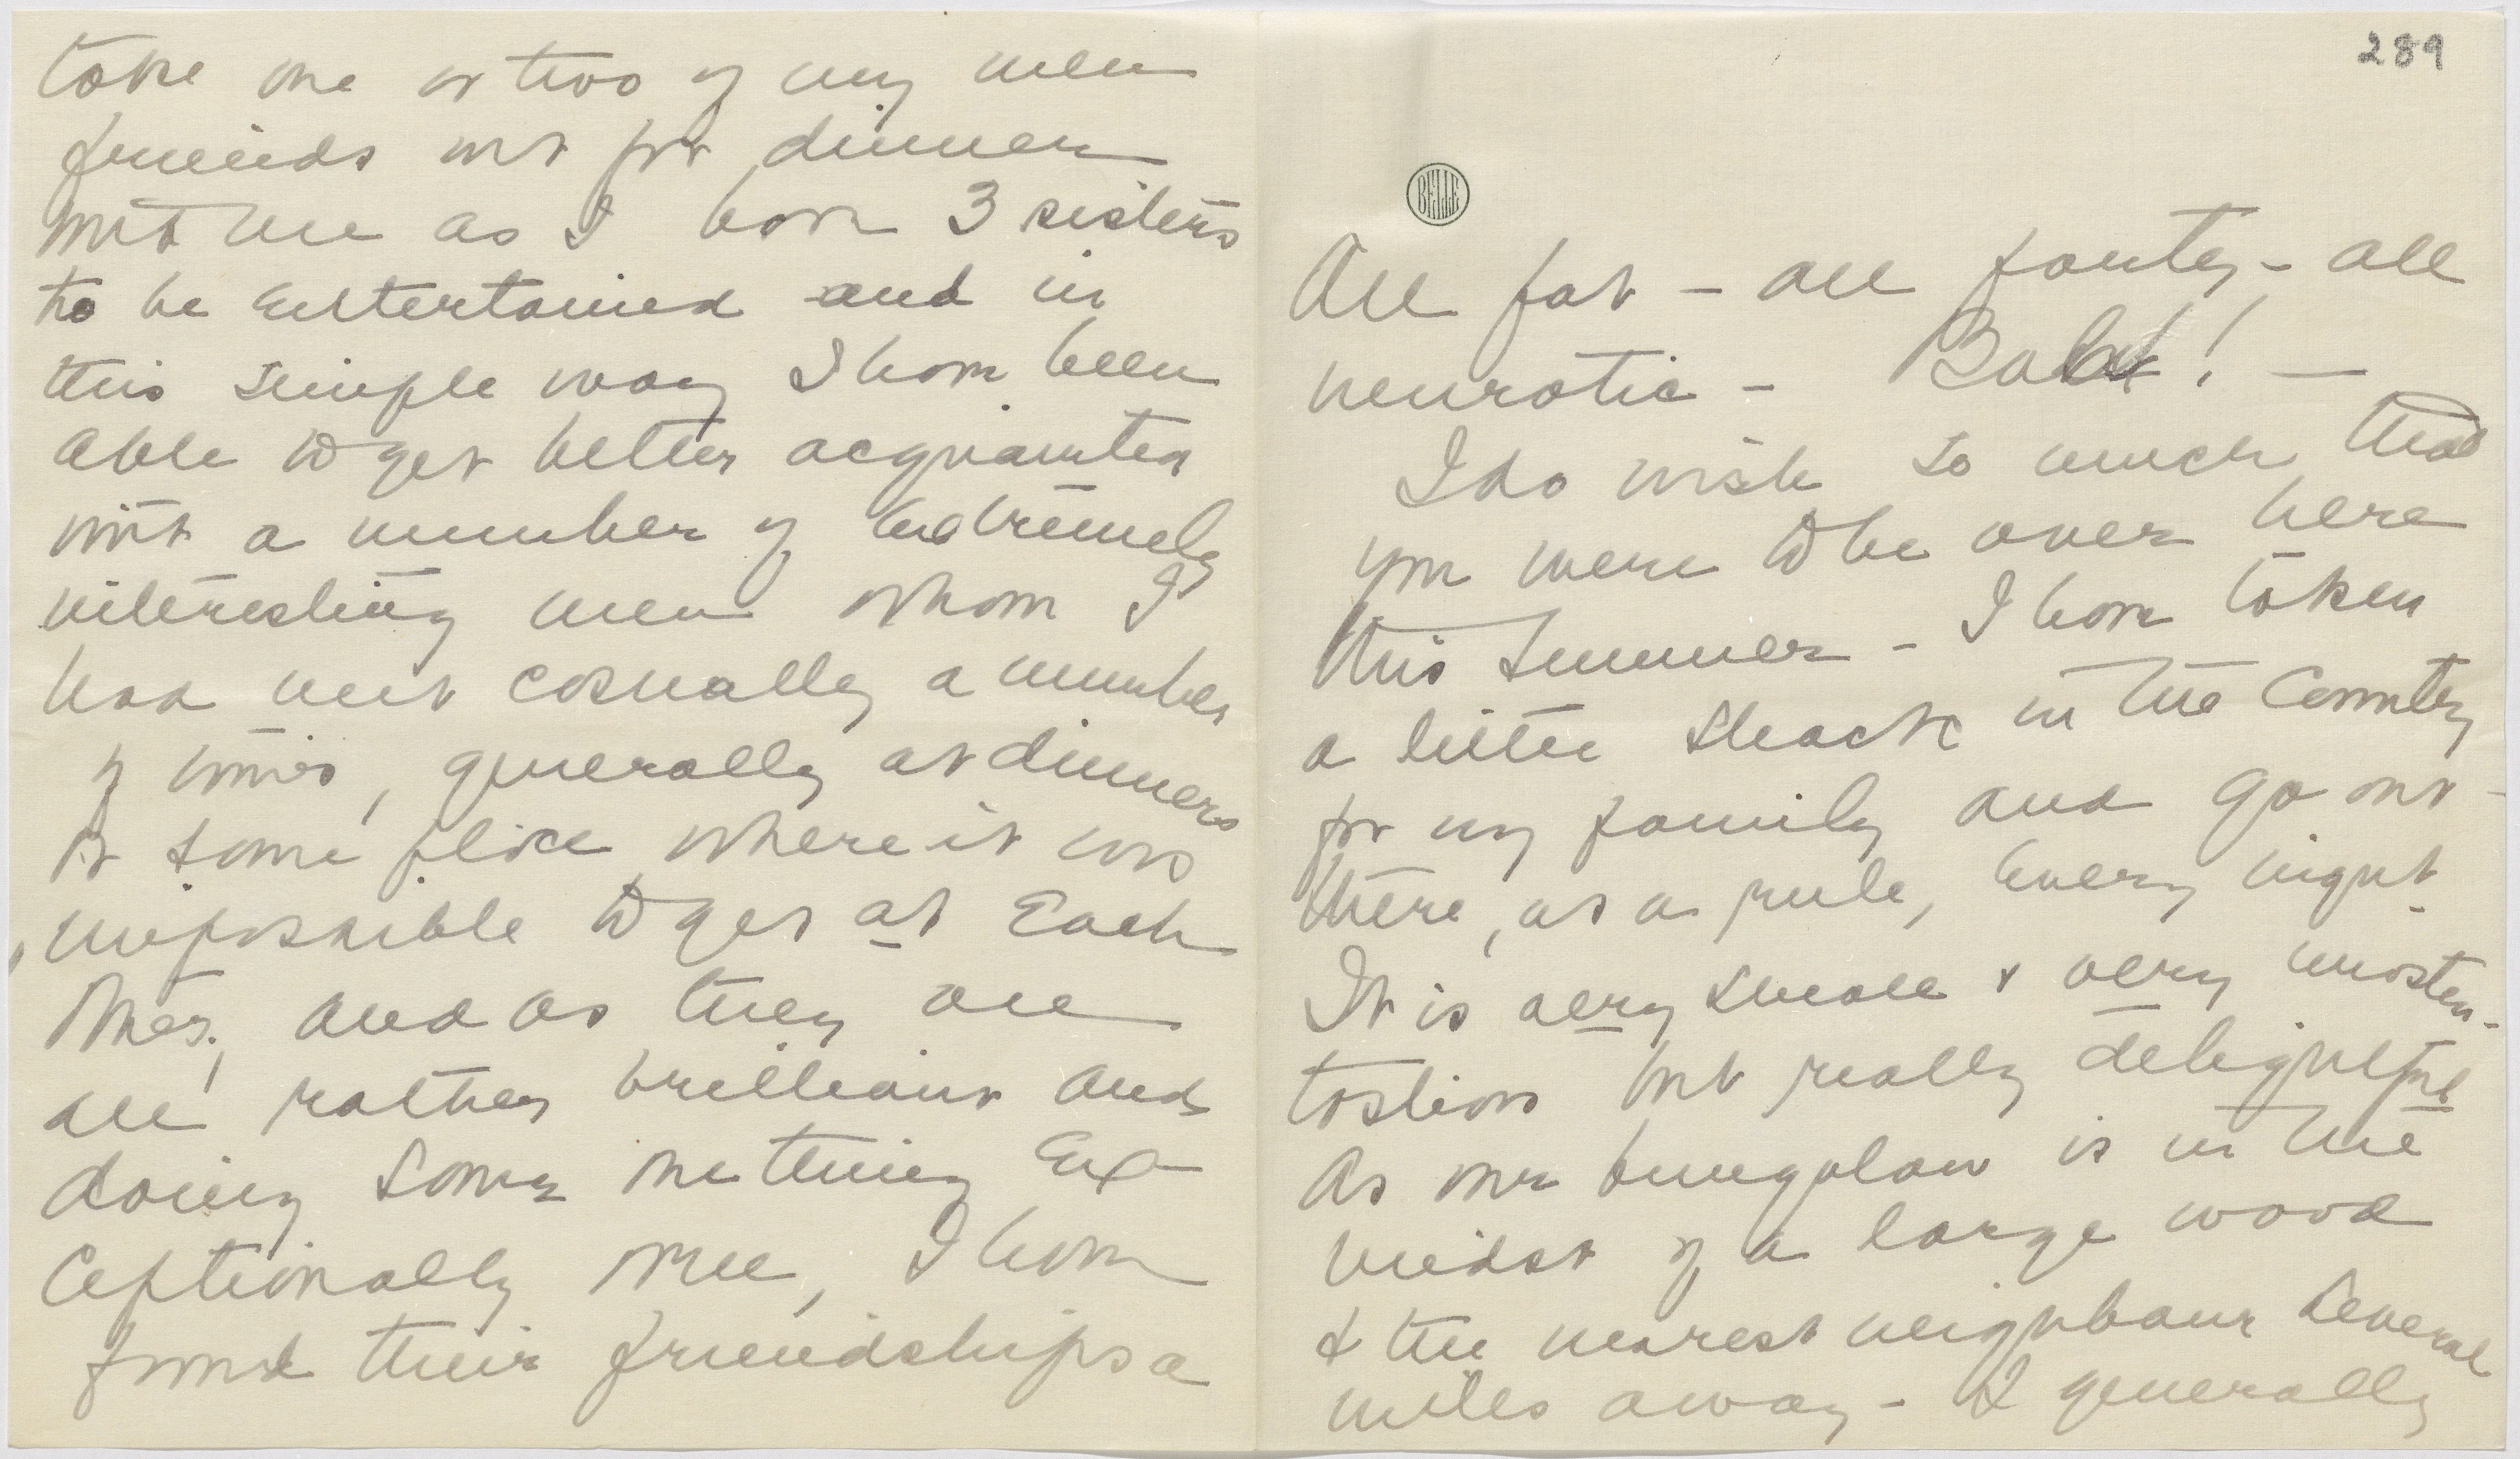All fat – all pouty – all neurotic – Bah! –
I do wish so much that you were to be over here this Summer – I have taken a little shack in the country for my family and go out there, as a rule, every night.
It is very small & very unostentatious but really delightful as our bungalow is in the midst of a large wood & the nearest neighbor several miles away – I generally
take one or two of my men friends out for dinner with me as I have 3 sisters to be entertained and in this simple way I have been able to get better acquainted with a number of extremely interesting men whom I had met casually a number of times, generally at dinner or some place where it was impossible to get at each other, and as they are all rather brilliant and doing some one thing exceptionally well, I have found their friendships a